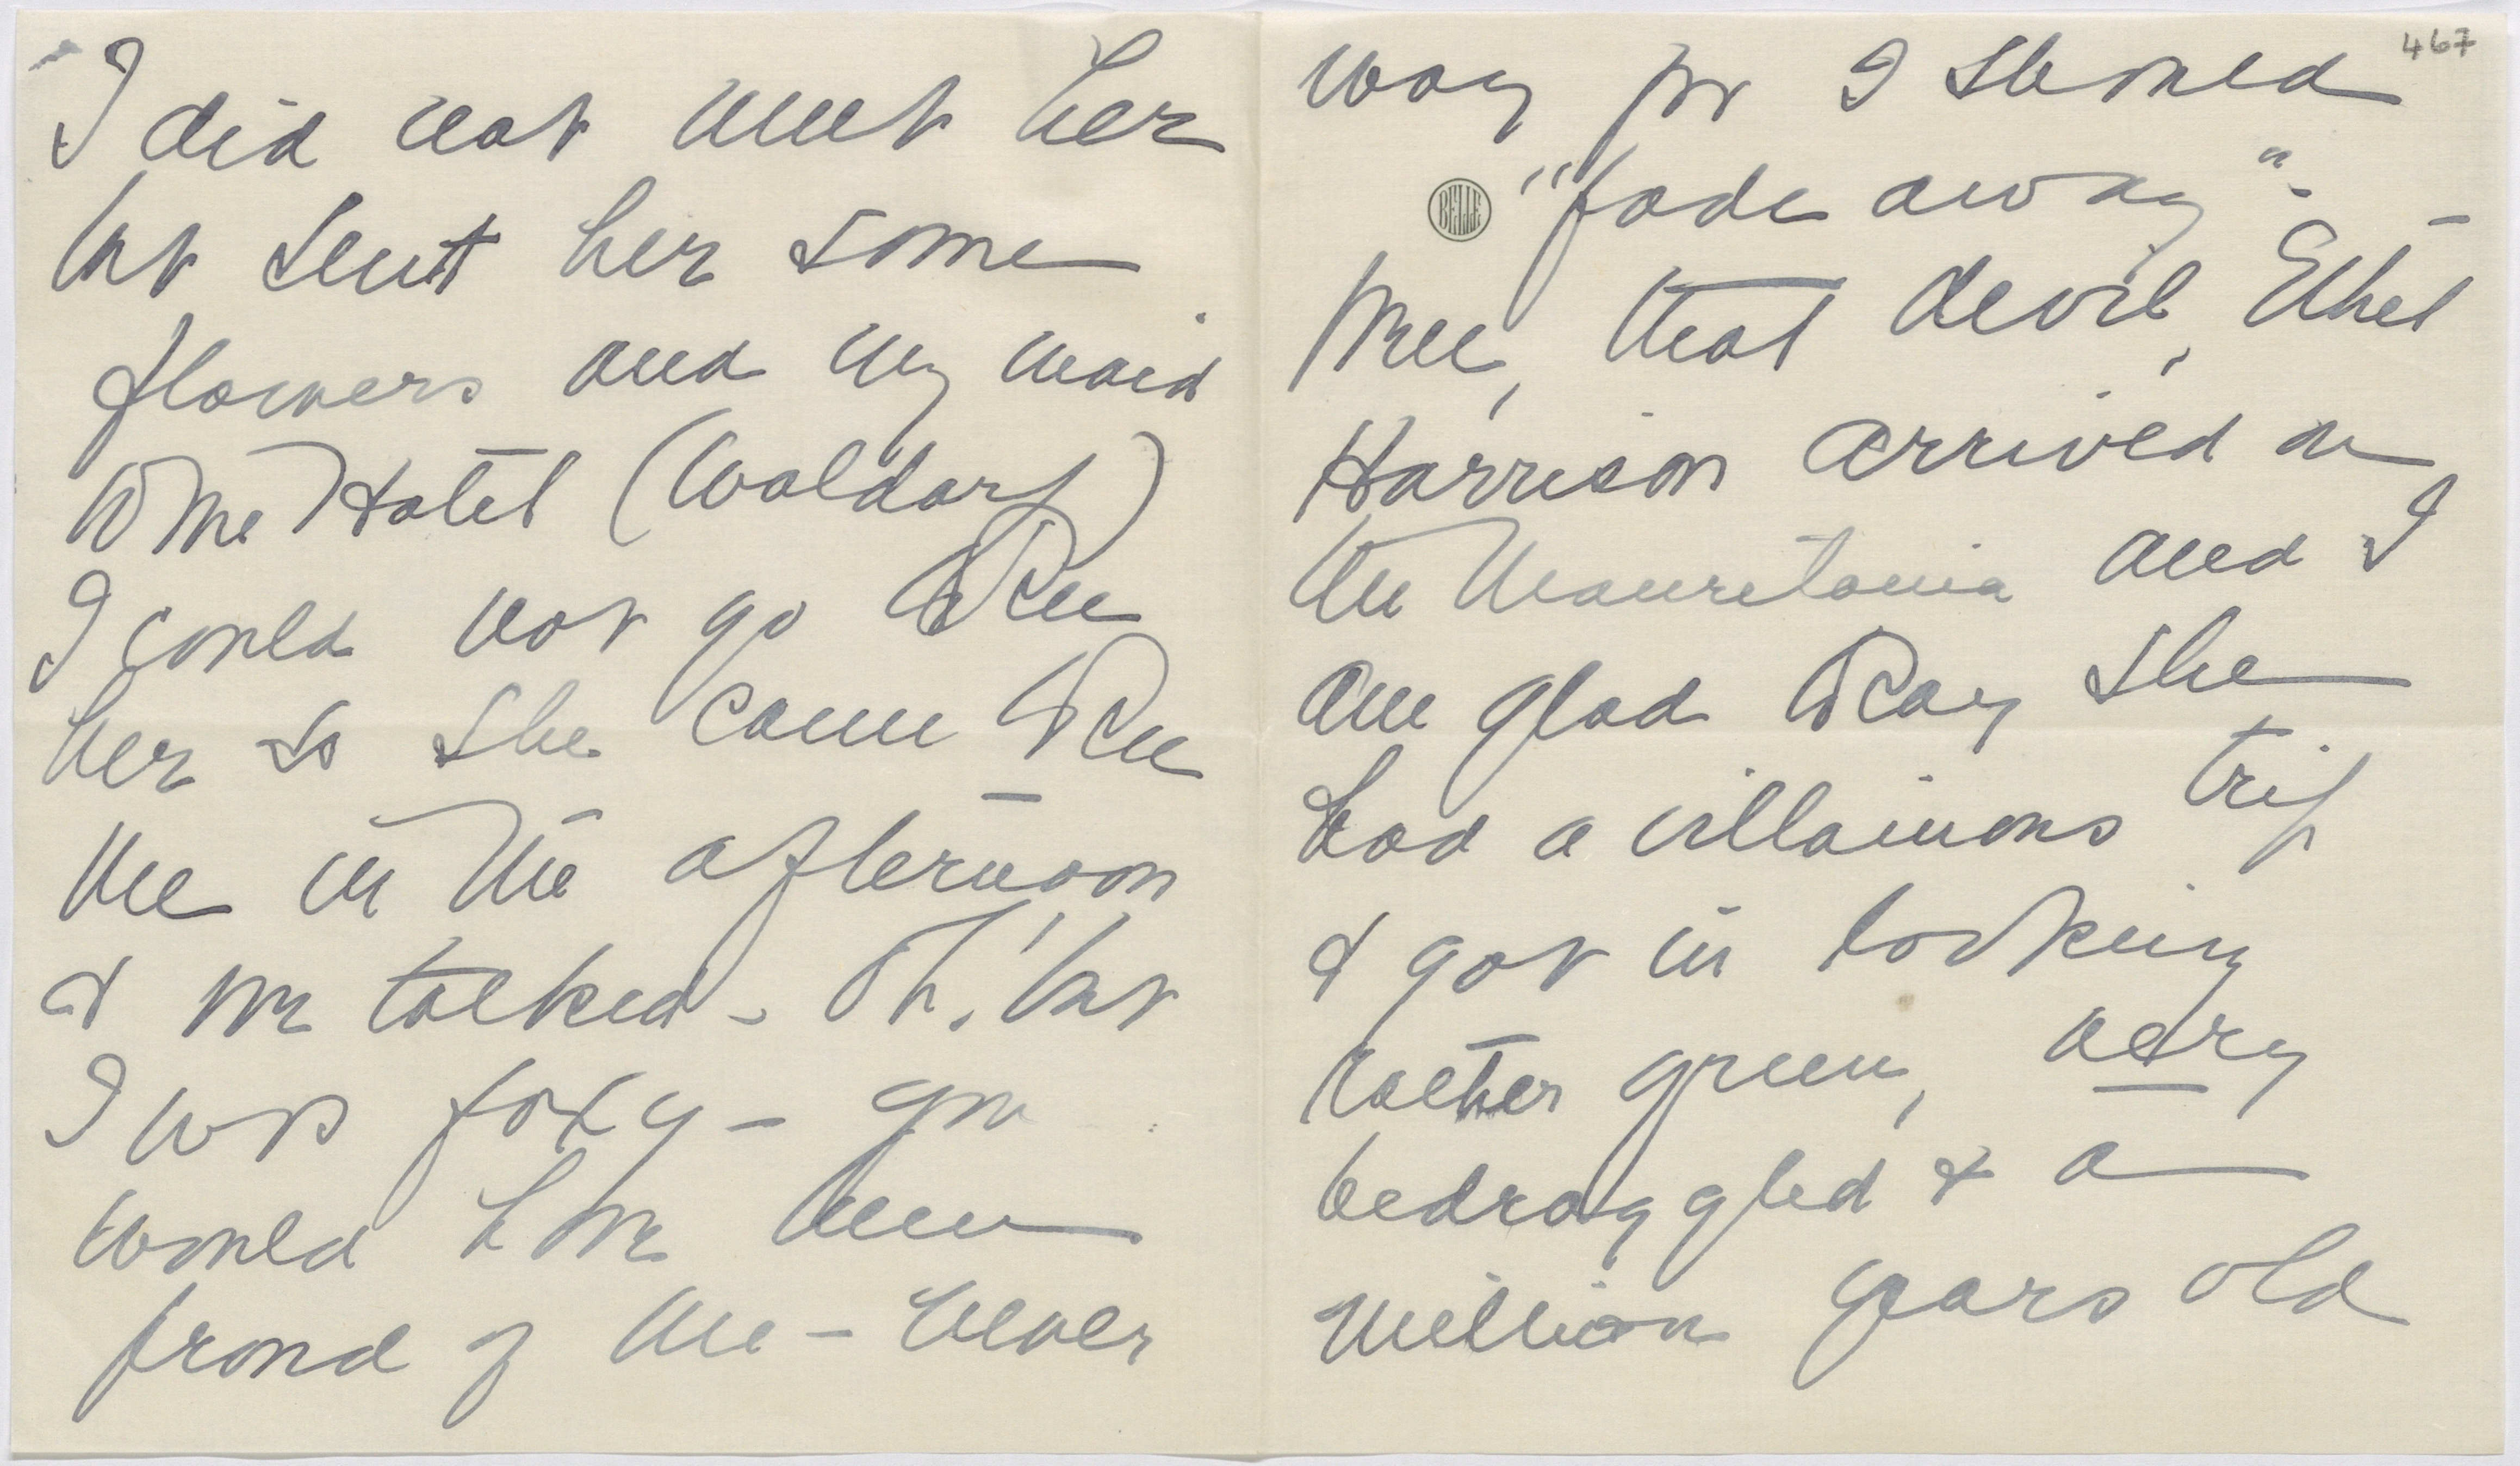way for I should “fade away” – Well, that devil Ethel Harrison arrived on the Mauretania and I am glad to say she had a villainous trip & got in looking rather green, very bedraggled & a million years old
I did not meet her but sent her some flowers and my maid to the Hotel (Waldorf) I could not go to see her so she came to see me in the afternoon & we talked – oh! but I was foxy – you would have been proud of me – never